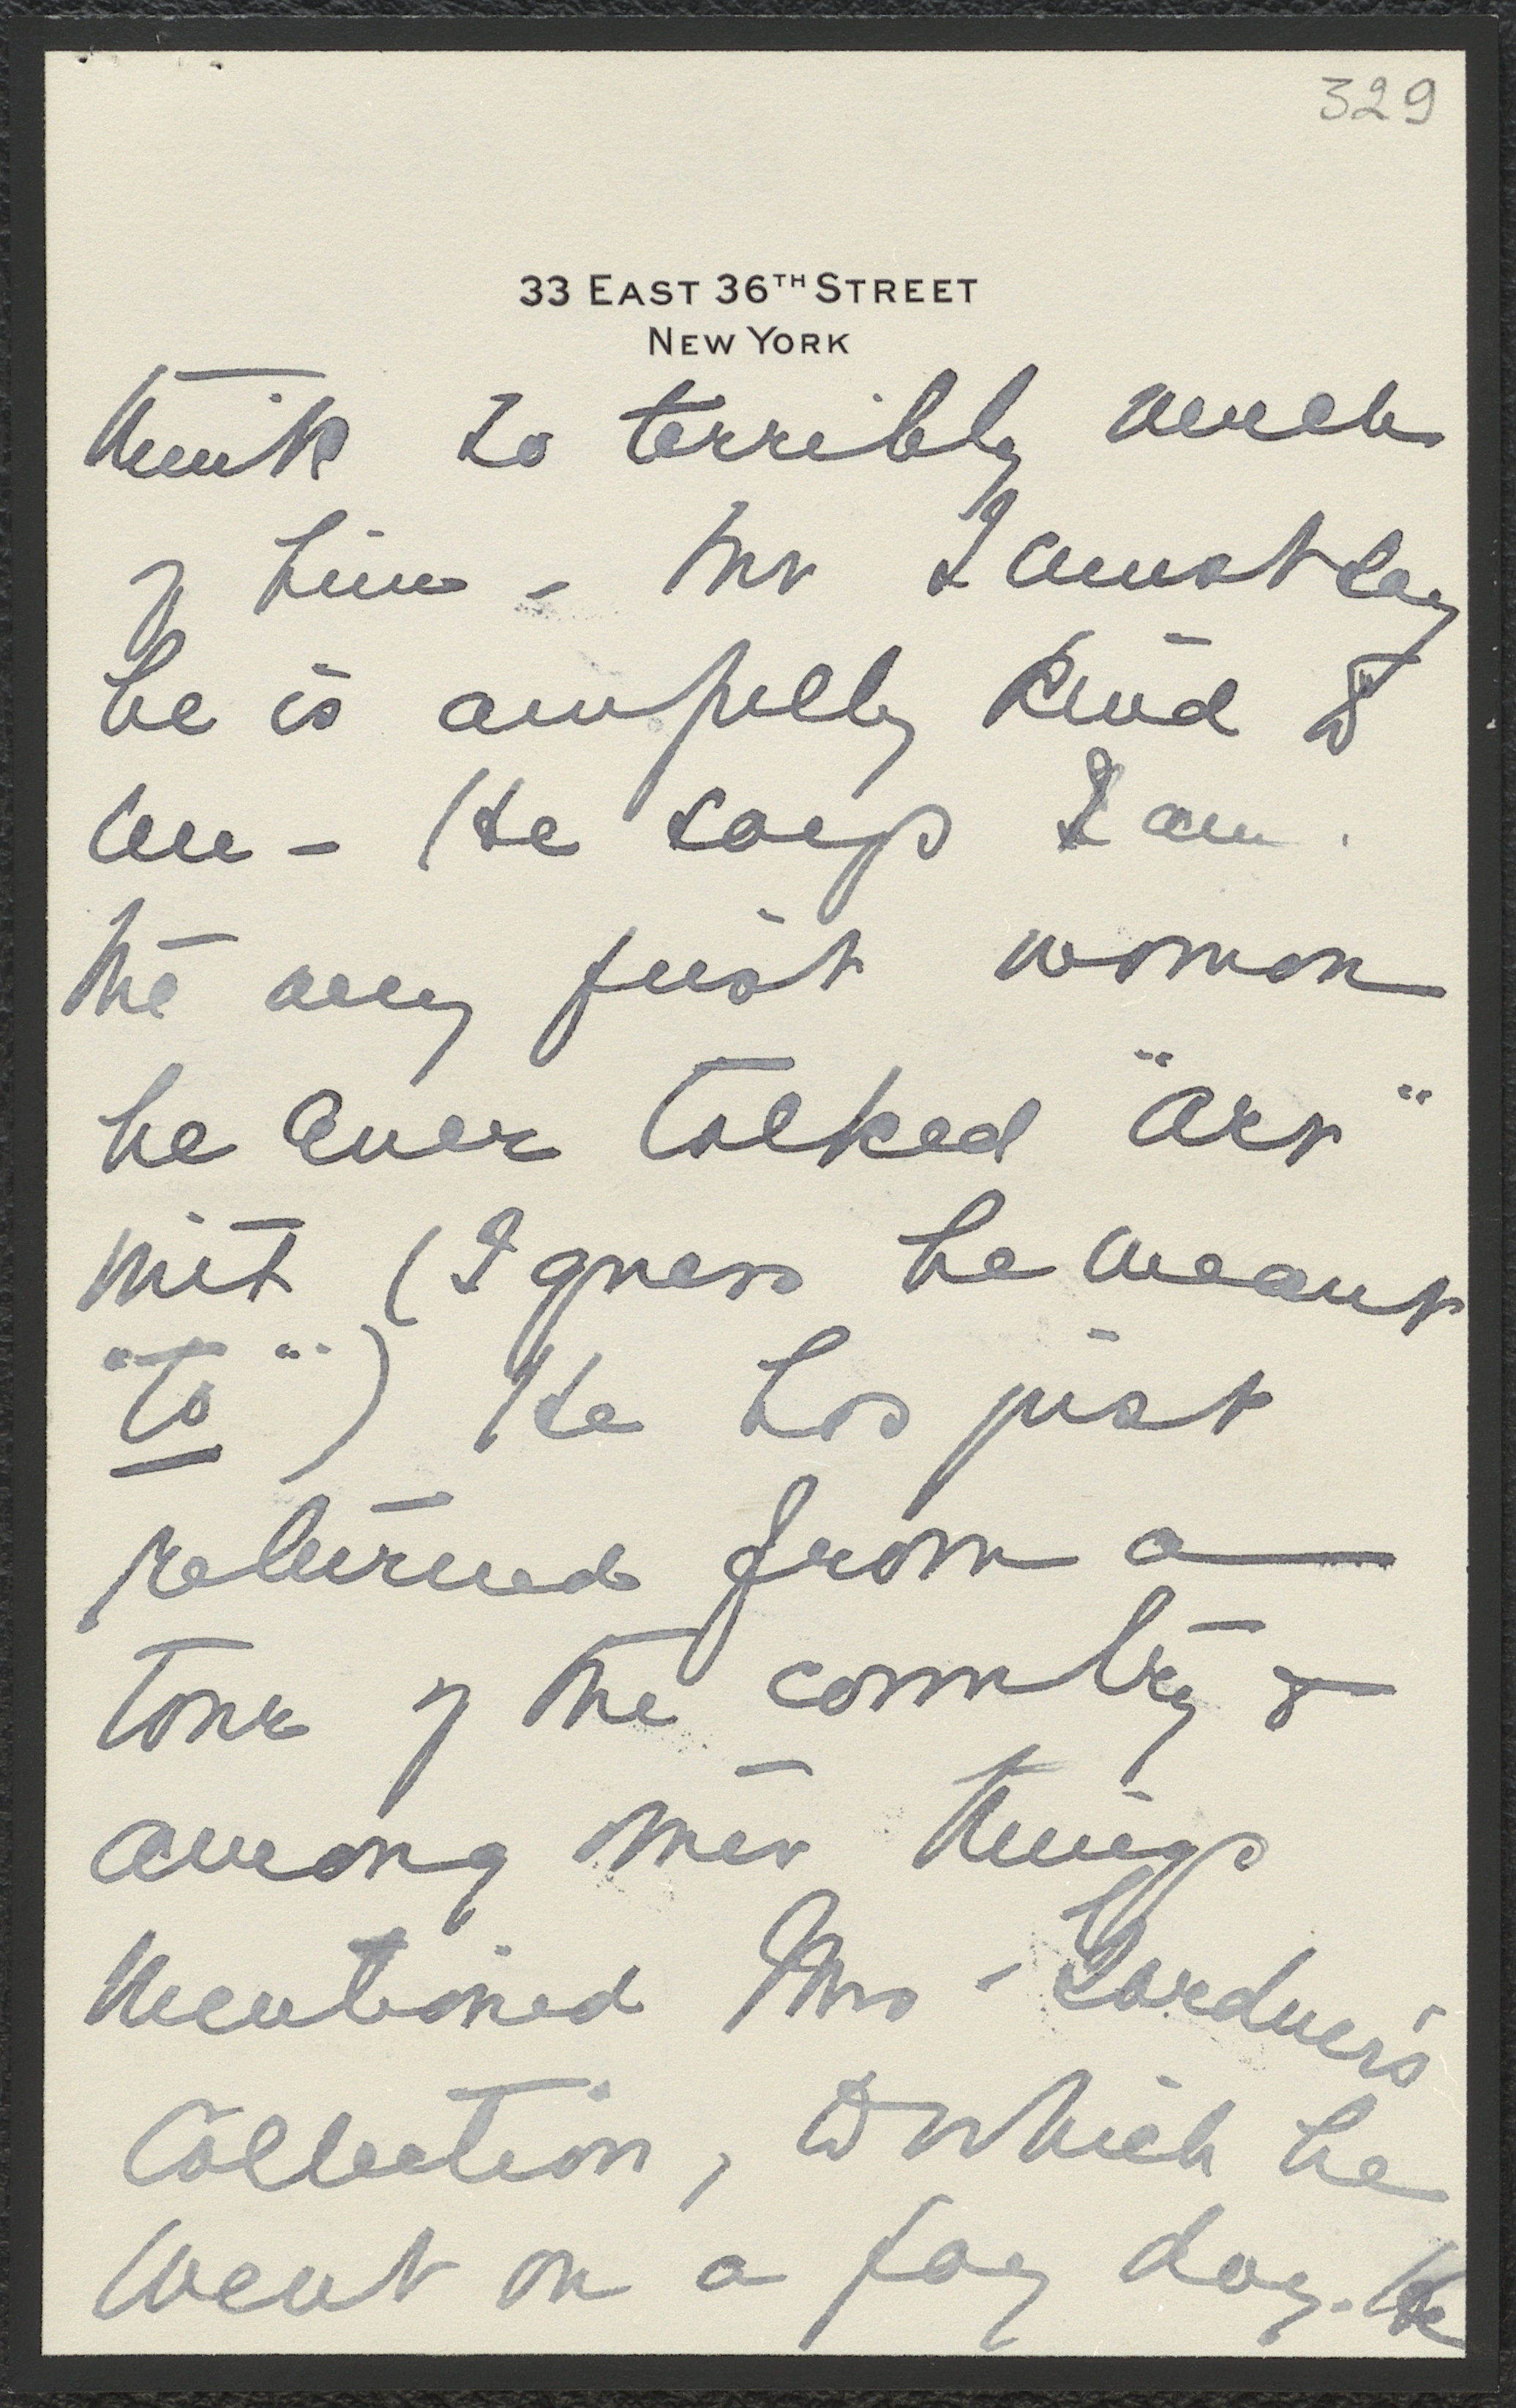think so terribly much of him – but I must say he is awfully kind to me – He says I am the very first woman he ever talked “art” with (I guess he meant “to”) he has just returned from a tour of the country & among other things mentioned Mrs. Gardner’s collection, to which he went on a pay day. He